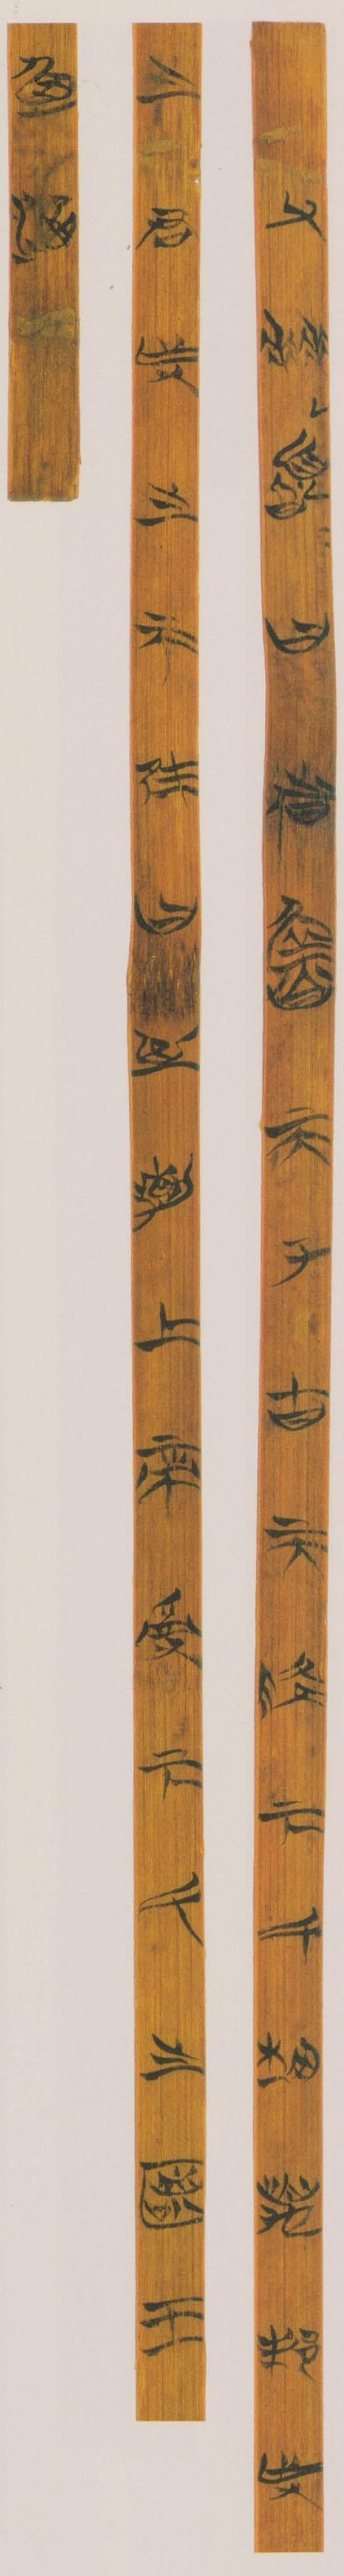父{拜L}旨頁=曰者魯天子古天降下民埶萬邦拃之君拃之帀隹曰𠀠{卉叀力}上帝𤔔下民之匿王廼渴
